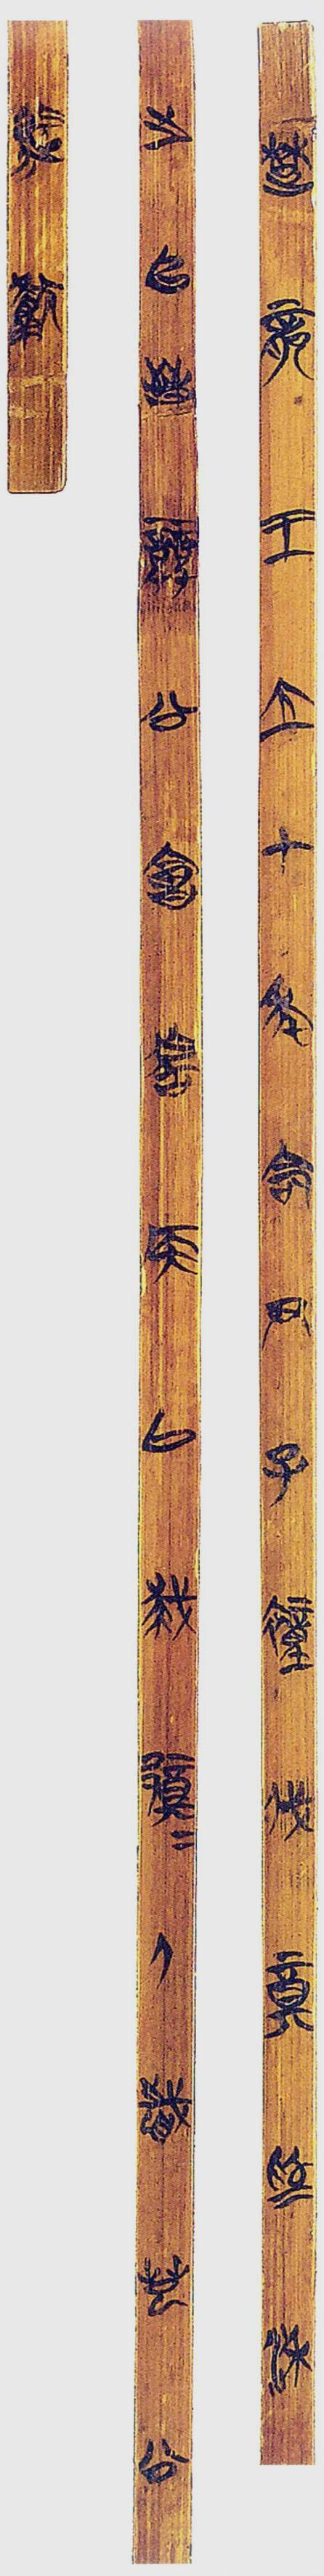楚龍王立七年命尹子{衣童}伐奠爲{水禾}之𠂤晉競公會者侯㠯（以）{求戈}鄭=人{止頁戈}芸公義獻
